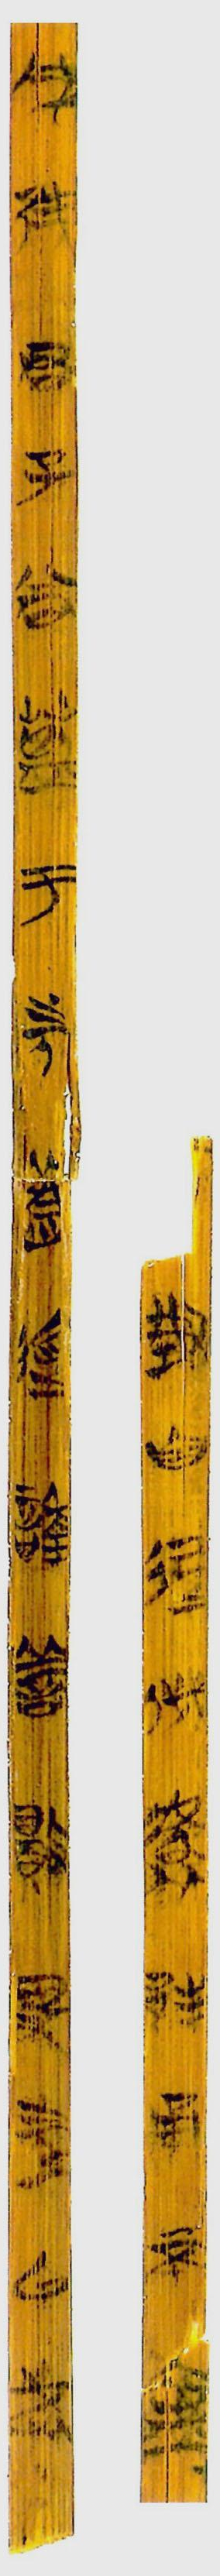□型自起（起）俴{虎口䖵}邦甬不{穴心皿}（寧）凡隹君子尚藍于先舊道{言屮目牛}善{貝貝攴}卑{屮王}㠯（以）戒
